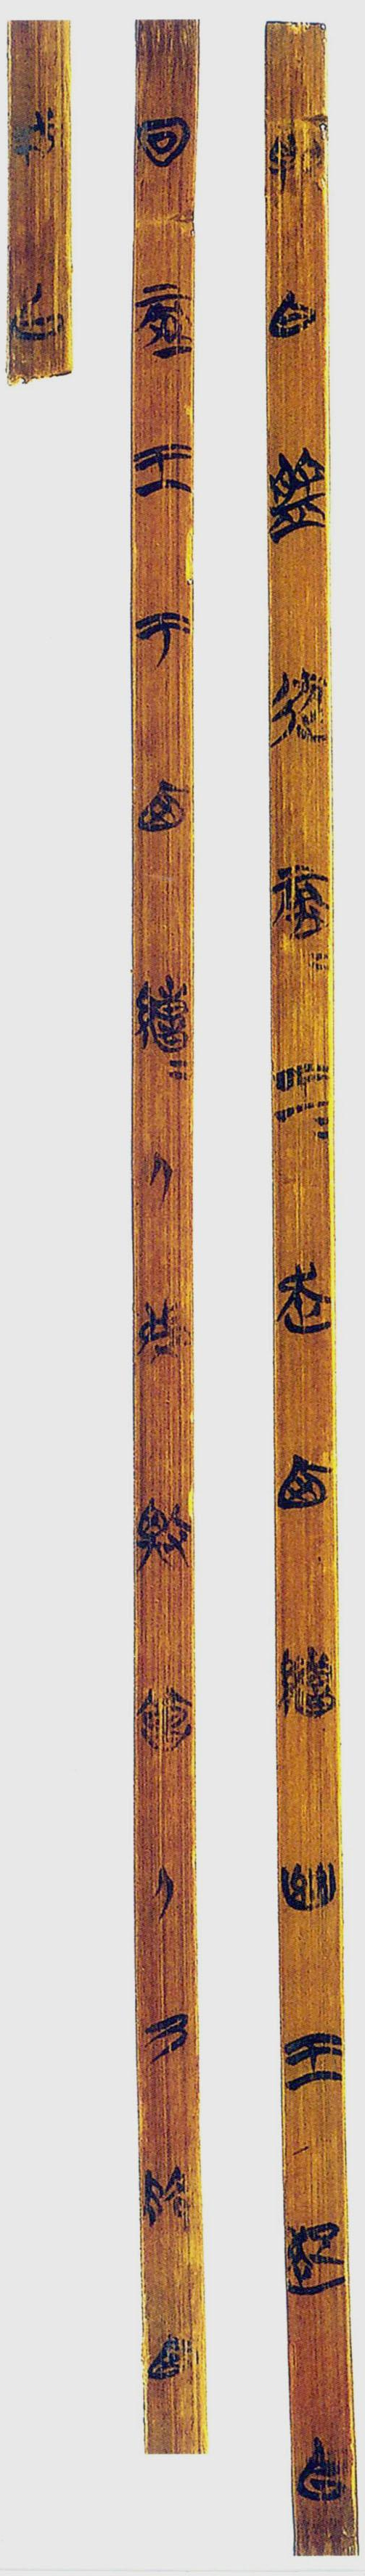與白盤迖坪=王=走西{糸東田}幽王起𠂤回坪王于西糸東田=人弗{畀攴}曾人乃降西戎㠯（以）
